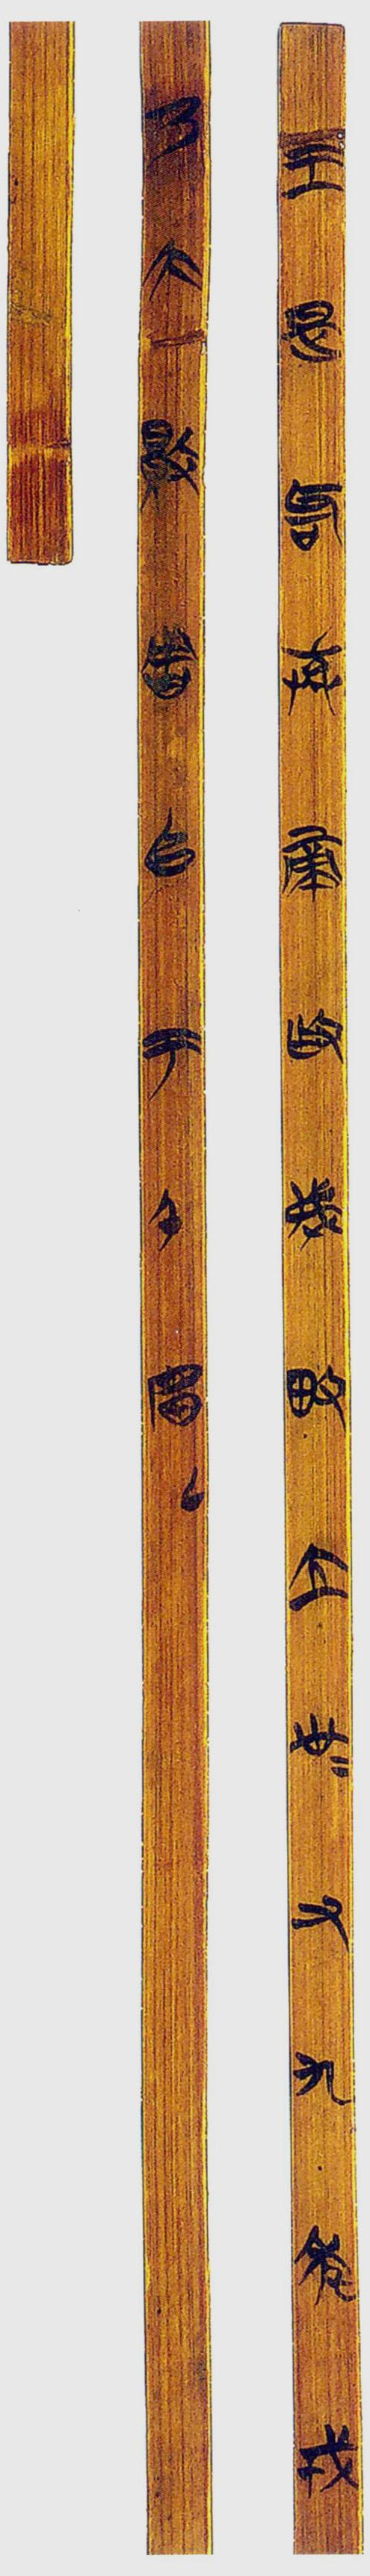王是{㠯ㅋ}弃帝{乍攴}弗畋立卅=又九年戎乃大敗周𠂤于千{母田}
